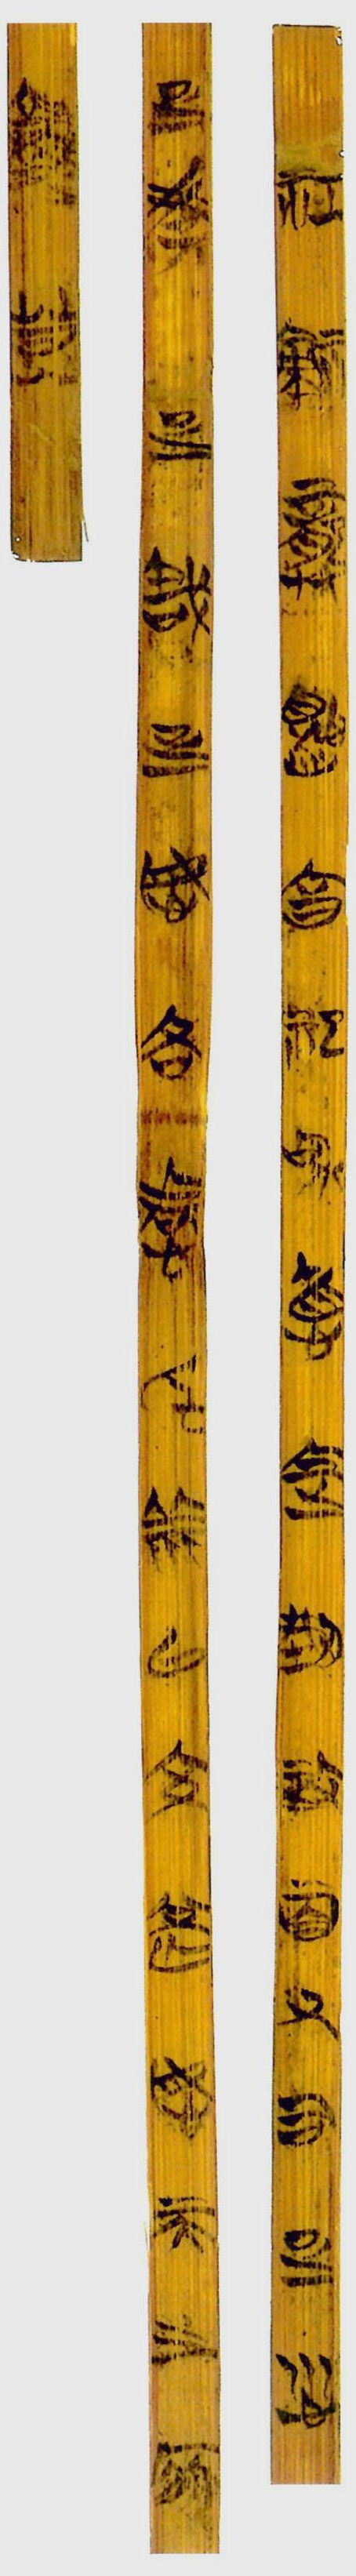{示工}{示朿}龏{見心臼}亯祀和惪定型政百又司疋{川心}疋𡥈疋{？戈口}疋悔（謀）各𢝬氒羕㠯（以）交罔悔（謀）天之所{亯羊帚止}莫
